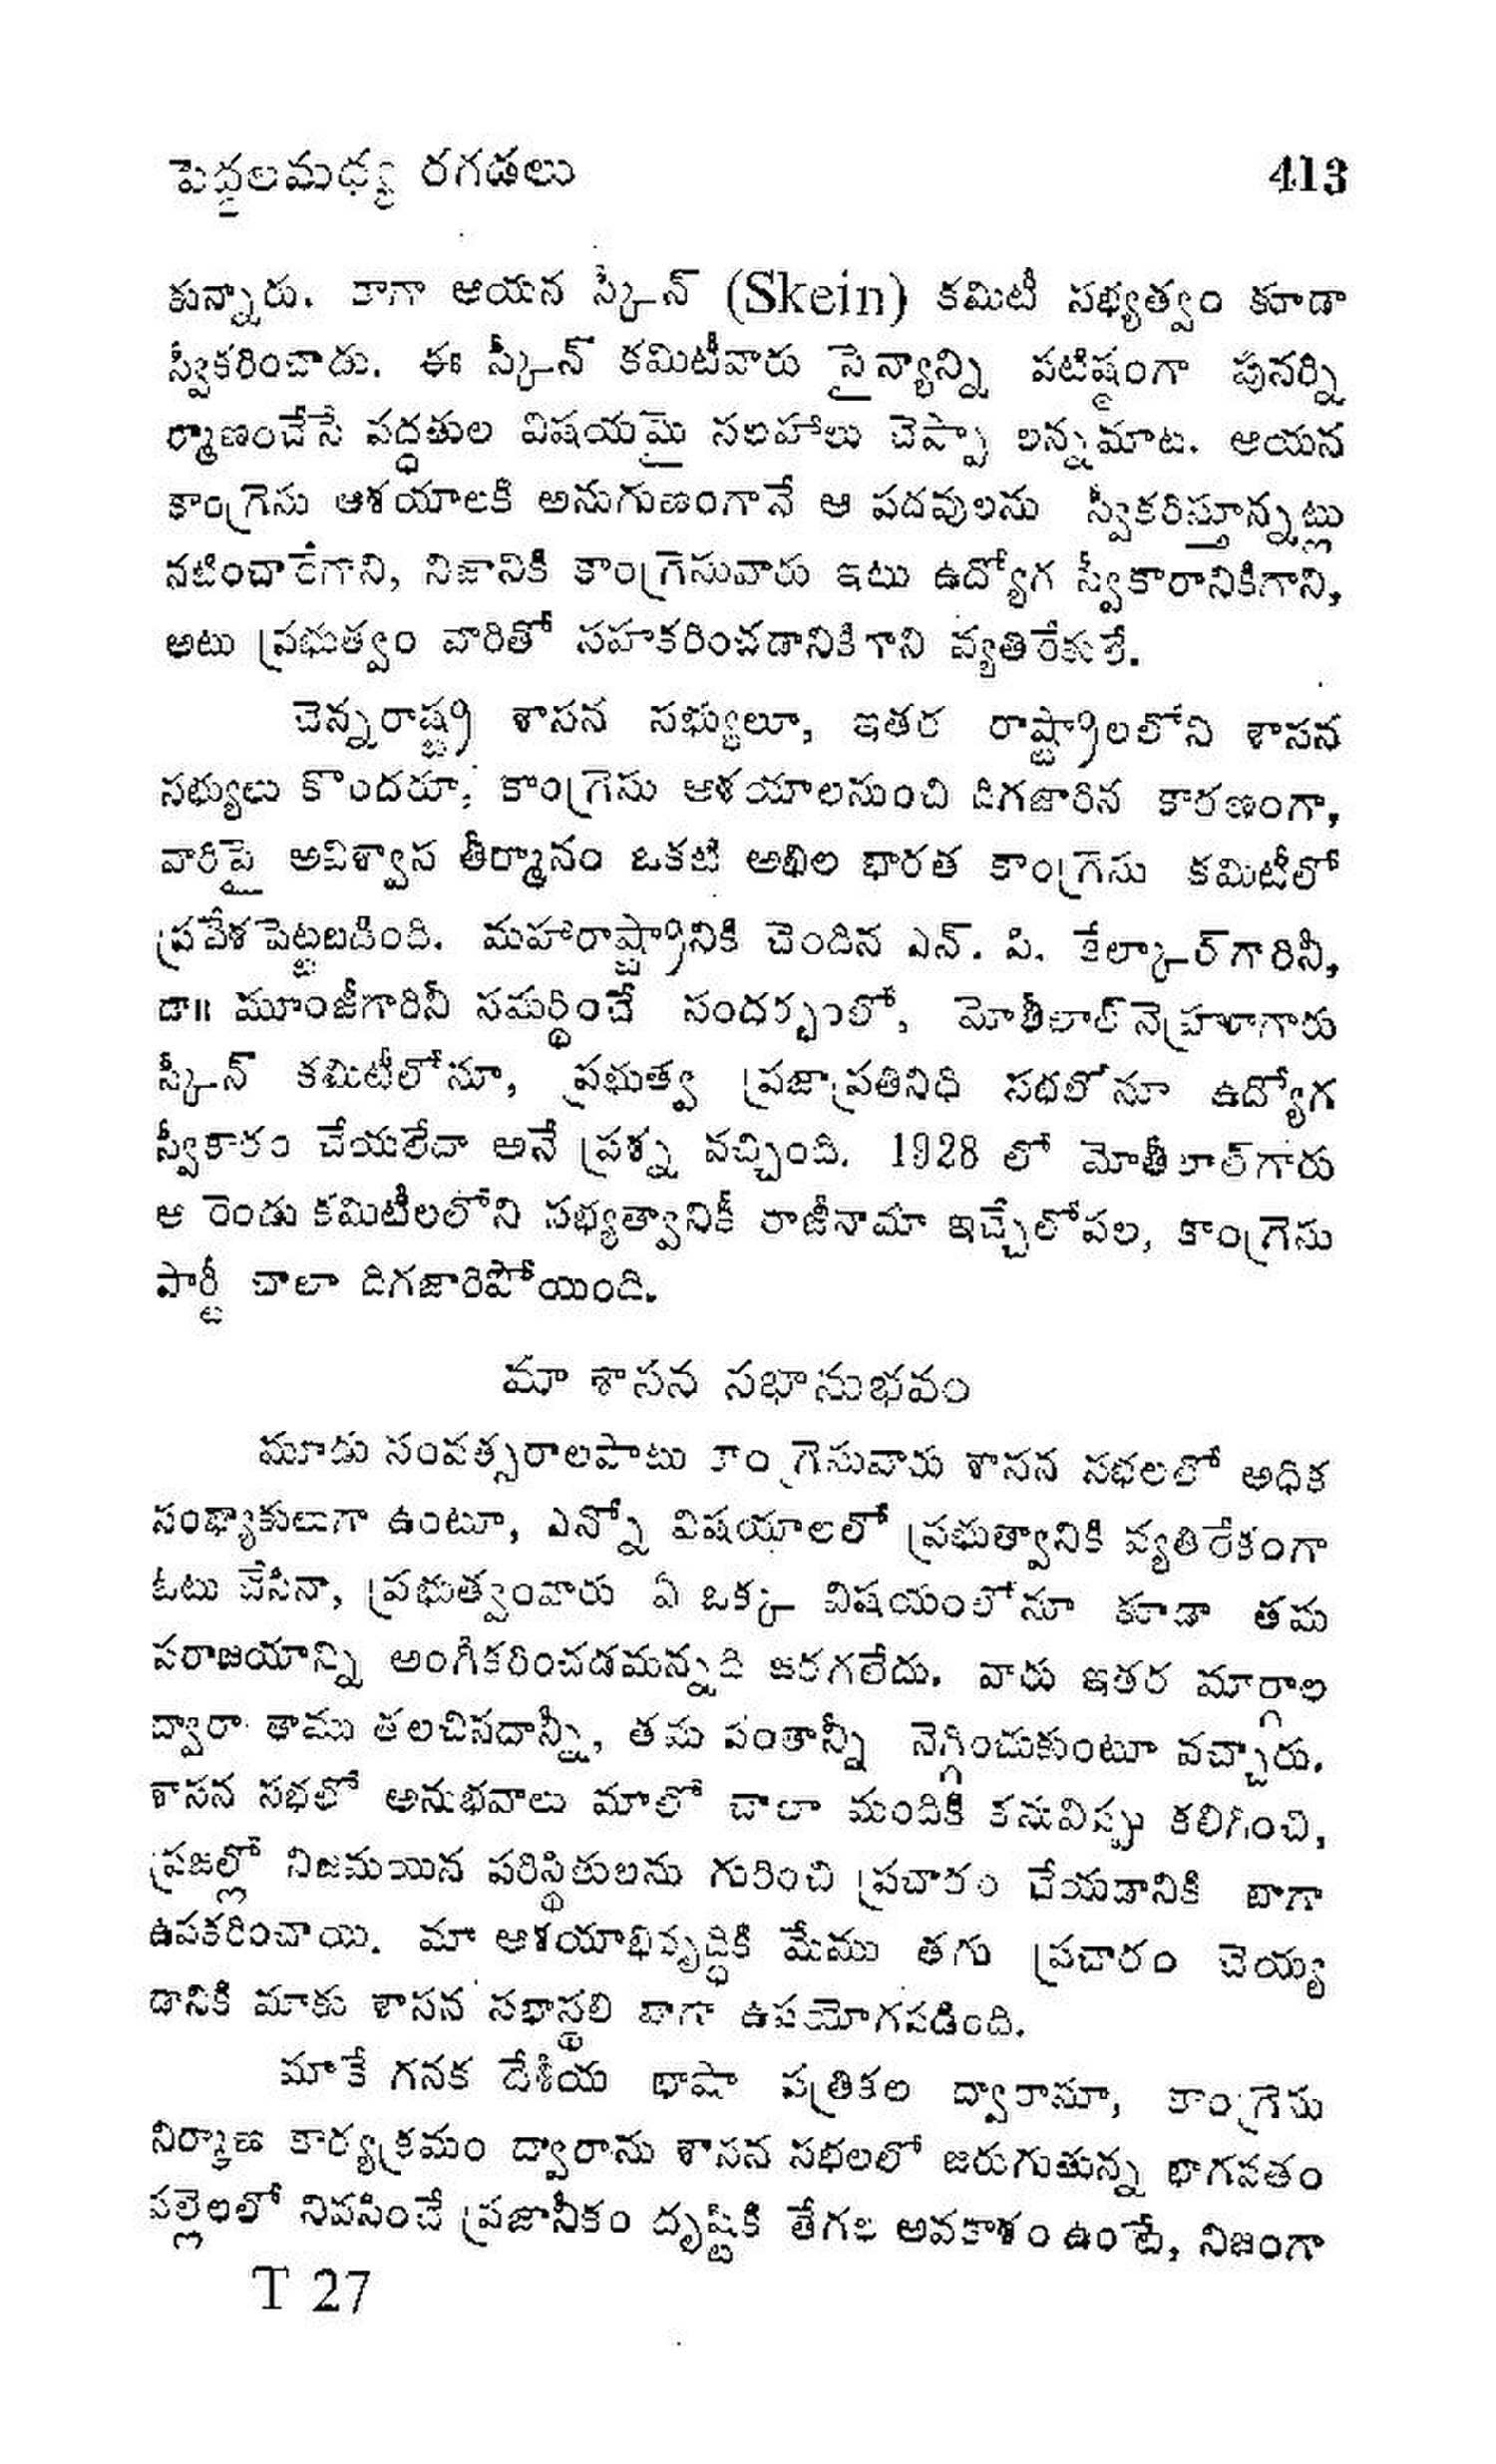కున్నారు. కాగా ఆయన స్కీన్ (Skein) కమిటీ సభ్యత్వం కూడా స్వీకరించాడు. ఈ స్కీన్ కమిటీవారు సైన్యాన్ని పటిష్ఠంగా పునర్నిర్మాణంచేసే పద్ధతుల విషయమై సలహాలు చెప్పా లన్నమాట. ఆయన కాంగ్రెసు ఆశయాలకి అనుగుణంగానే ఆ పదవులను స్వీకరిస్తూన్నట్లు నటించారేగాని, నిజానికి కాంగ్రెసువారు ఇటు ఉద్యోగ స్వీకారానికిగాని, అటు ప్రభుత్వం వారితో సహకరించడానికిగాని వ్యతిరేకులే.

చెన్నరాష్ట్ర శాసన సభ్యులూ, ఇతర రాష్ట్రాలలోని శాసన సభ్యులు కొందరూ, కాంగ్రెసు ఆశయాలనుంచి దిగజారిన కారణంగా, వారిపై అవిశ్వాస తీర్మానం ఒకటి అఖిల భారత కాంగ్రెసు కమిటీలో ప్రవేశపెట్టబడింది. మహారాష్ట్రానికి చెందిన ఎన్. సి కేల్కార్‌గారినీ, డా॥ మూంజీగారినీ సమర్థించే సందర్భంలో, మోతీలాల్‌నెహ్రూగారు స్కీన్ కమిటీలోనూ, ప్రభుత్వ ప్రజాప్రతినిధి సభలోనూ ఉద్యోగ స్వీకారం చేయలేదా అనే ప్రశ్న వచ్చింది. 1928 లో మోతీలాల్‌గారు ఆ రెండు కమిటీలలోని సభ్యత్వానికీ రాజీనామా ఇచ్చేలోపల, కాంగ్రెసుపార్టీ చాలా దిగజారిపోయింది.

మూడు సంవత్సరాలపాటు కాంగ్రెసువారు శాసన సభలలో అధిక సంఖ్యాకులుగా ఉంటూ, ఎన్నో విషయాలలో ప్రభుత్వానికి వ్యతిరేకంగా ఓటు చేసినా, ప్రభుత్వంవారు ఏ ఒక్క విషయంలోనూ కూడా తమ పరాజయాన్ని అంగీకరించడమన్నది జరగలేదు. వారు ఇతర మార్గాలద్వారా తాము తలచినదాన్నీ, తమ పంతాన్నీ నెగ్గించుకుంటూ వచ్చారు. శాసన సభలో అనుభవాలు మాలో చాలా మందికి కనువిప్పు కలిగించి, ప్రజల్లో నిజమయిన పరిస్థితులను గురించి ప్రచారం చెయ్యడానికి బాగా ఉపకరించాయి. మా ఆశయాభివృద్ధికి మేము తగు ప్రచారం చెయ్యడానికి మాకు శాసన సభాస్థలి బాగా ఉపయోగపడింది.

మాకే గనక దేశీయ భాషా పత్రికల ద్వారానూ, కాంగ్రెసు నిర్మాణ కార్యక్రమం ద్వారాను శాసన సభలలో జరుగుతున్న భాగవతం పల్లెలలో నివసించే ప్రజానీకం దృష్టికి తేగల అవకాశం ఉంటే, నిజంగా